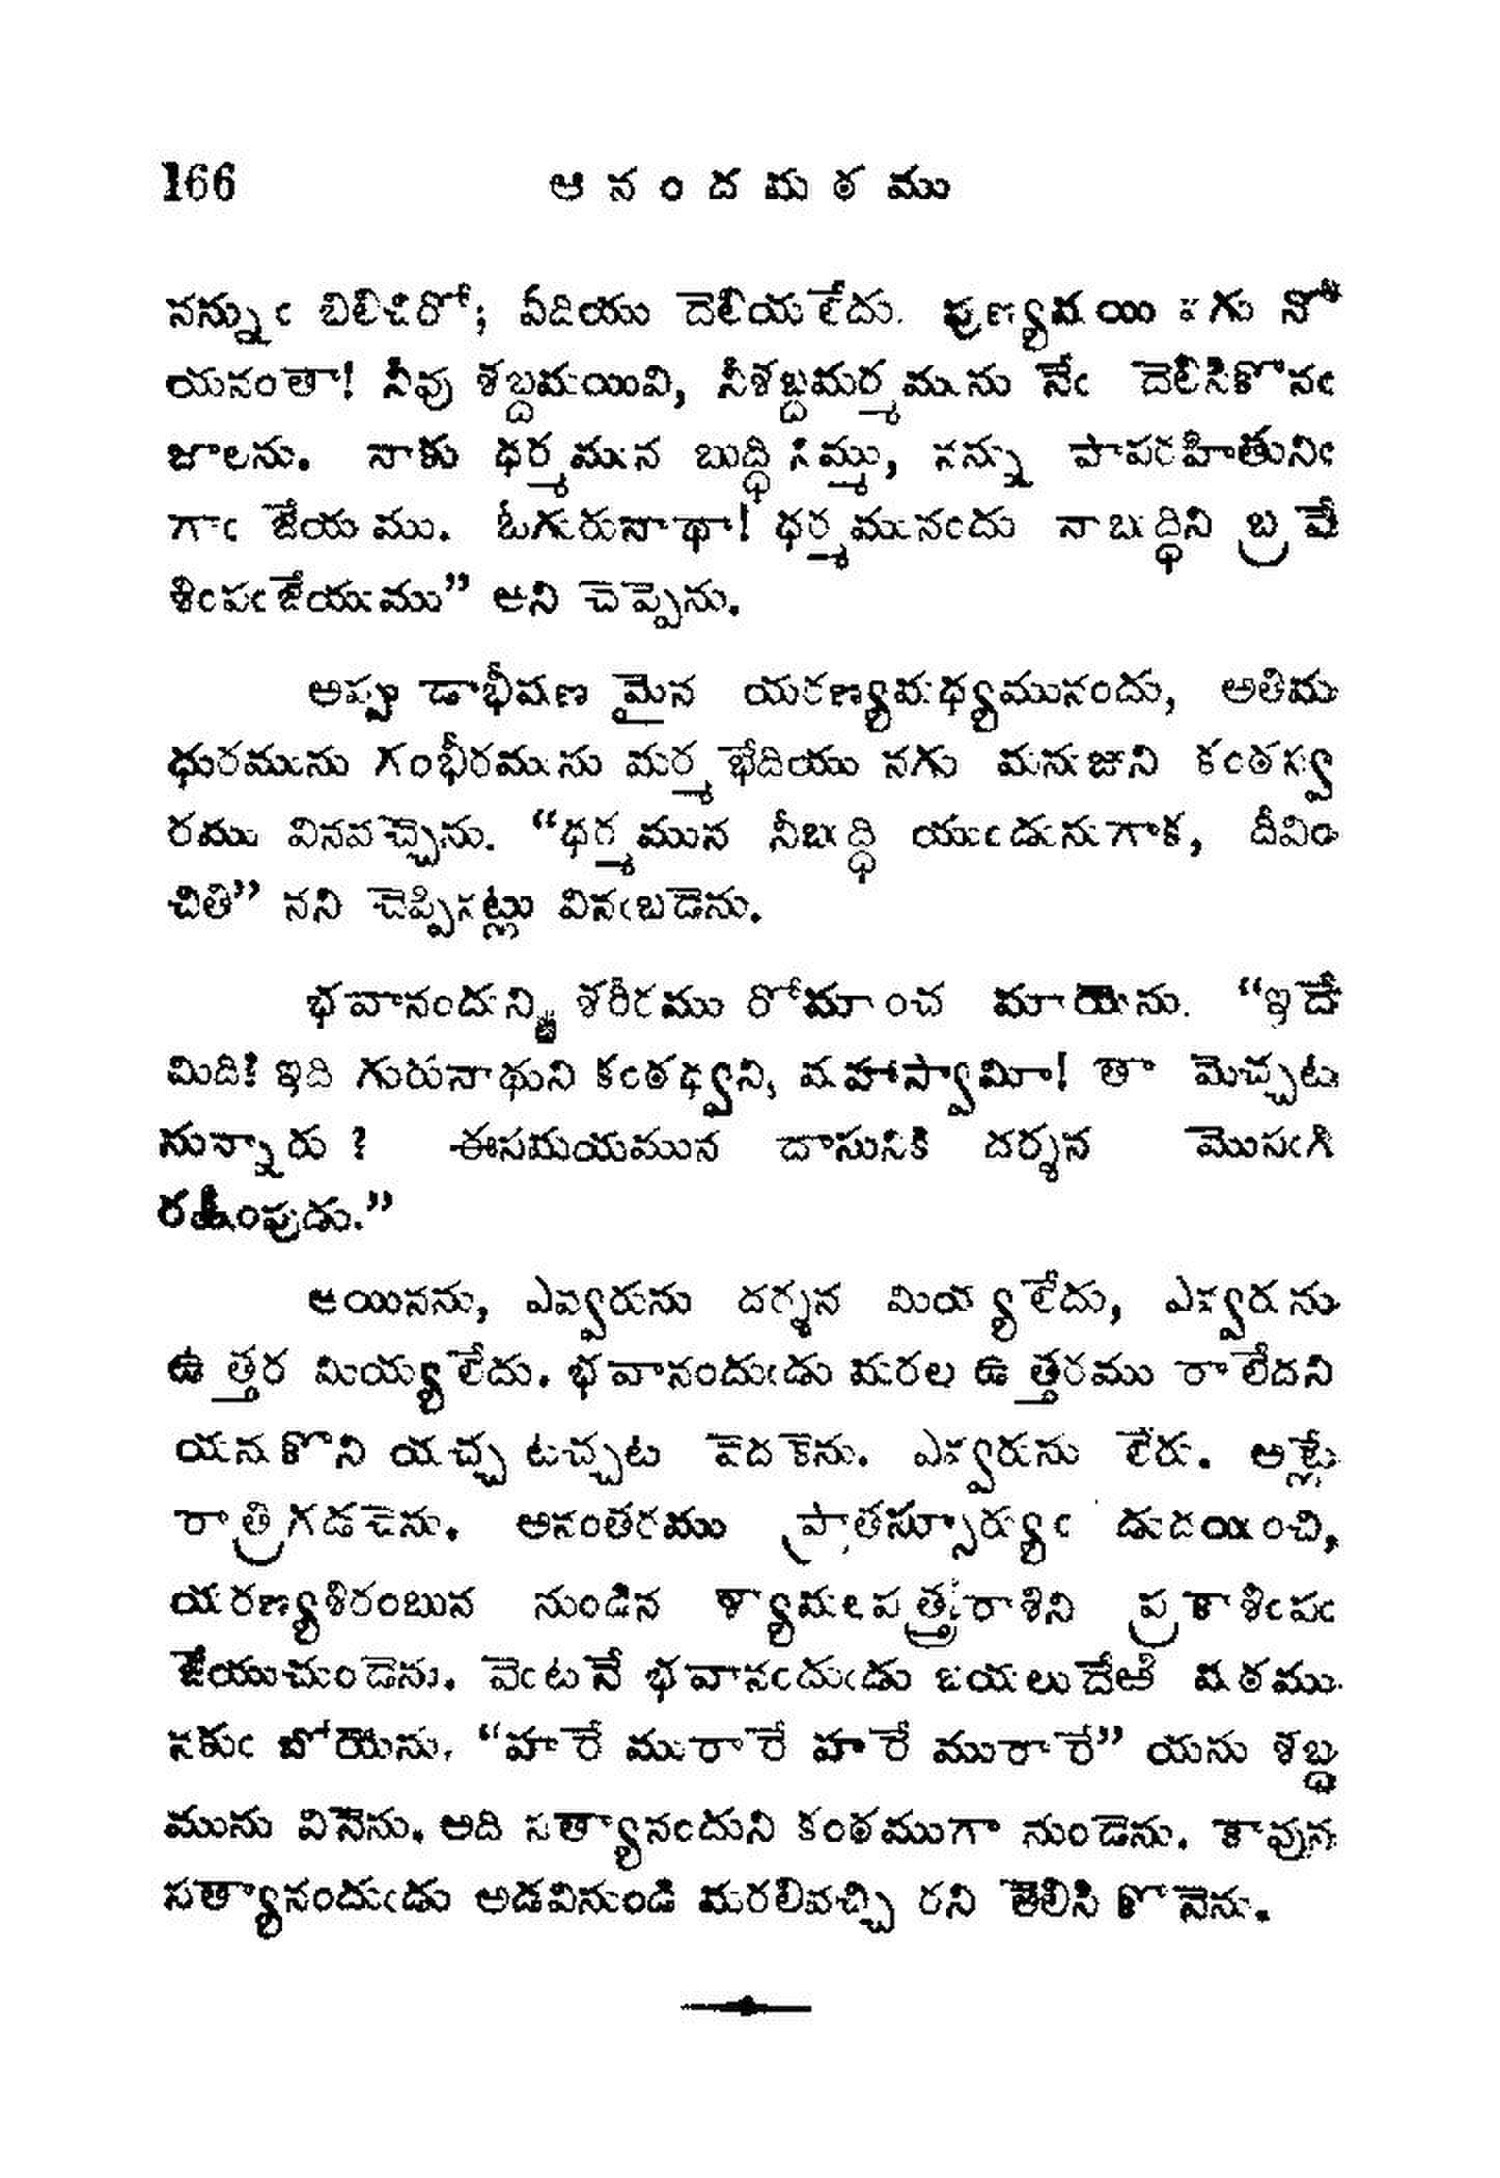నన్నుఁ బిలిచిరో; ఏదియు దెలియ లేదు. పుణ్యమయి వగునో యనంతా! నీవు శబ్దమయివి, నీశబ్దమర్మమును నేఁ దెలిసికొనఁ జాలను. నాకు ధర్మమున బుద్ధి నిమ్ము, నన్ను పాపరహితునిఁగాఁ జేయుము. ఓగురునాథా! ధర్మమునందు నా బుద్ధిని బ్రవేశింపఁ జేయుము” అని చెప్పెను.

అప్పు డాభీషణ మైన యరణ్యమధ్యమునందు, అతిమధురమును గంభీరమును మర్మ భేదియు నగు మనుజుని కంఠస్వ
రము వినవచ్చెను. “ధర్మమున నీబుద్ధి యుఁడునుగాక, దీవించితి” నని చెప్పినట్లు వినఁబడెను.

భవానందుని శరీరము రోమాంచ మాయెను. “ఇదేమిది? ఇది గురునాథుని కంఠధ్వని, మహాస్వామీ! తా మెచ్చట నున్నారు? ఈసమయమున దాసునికి దర్శన మొసంగి రక్షింపుడు.”

ఆయినను, ఎవ్వరును దర్శన మియ్య లేదు, ఎవ్వరును ఉత్తర మియ్య లేదు. భవానందుఁడు మరల ఉత్తరము రాలేదని
యనుకొని యచ్చ టచ్చట వెదకెను. ఎవ్వరును లేరు. అట్లే రాత్రిగడచెను. అనంతరము ప్రాతస్సూర్యుడుదయించి,
యరణ్యశిరంబున నుండిన శ్యామల పత్ర రాశిని ప్రకాశింపఁ జేయుచుండెను. వెఁటనే భవానందుఁడు బయలుదేఱి మఠము.
నకుఁ బోయెను. “హరే మురారే హరే మురారే” యను శబ్దమును వినెను, అది సత్యానందుని కంఠముగా నుండెను. కావున
సత్యానందుఁడు అడవినుండి మరలివచ్చిరని తెలిసి కొనెను.